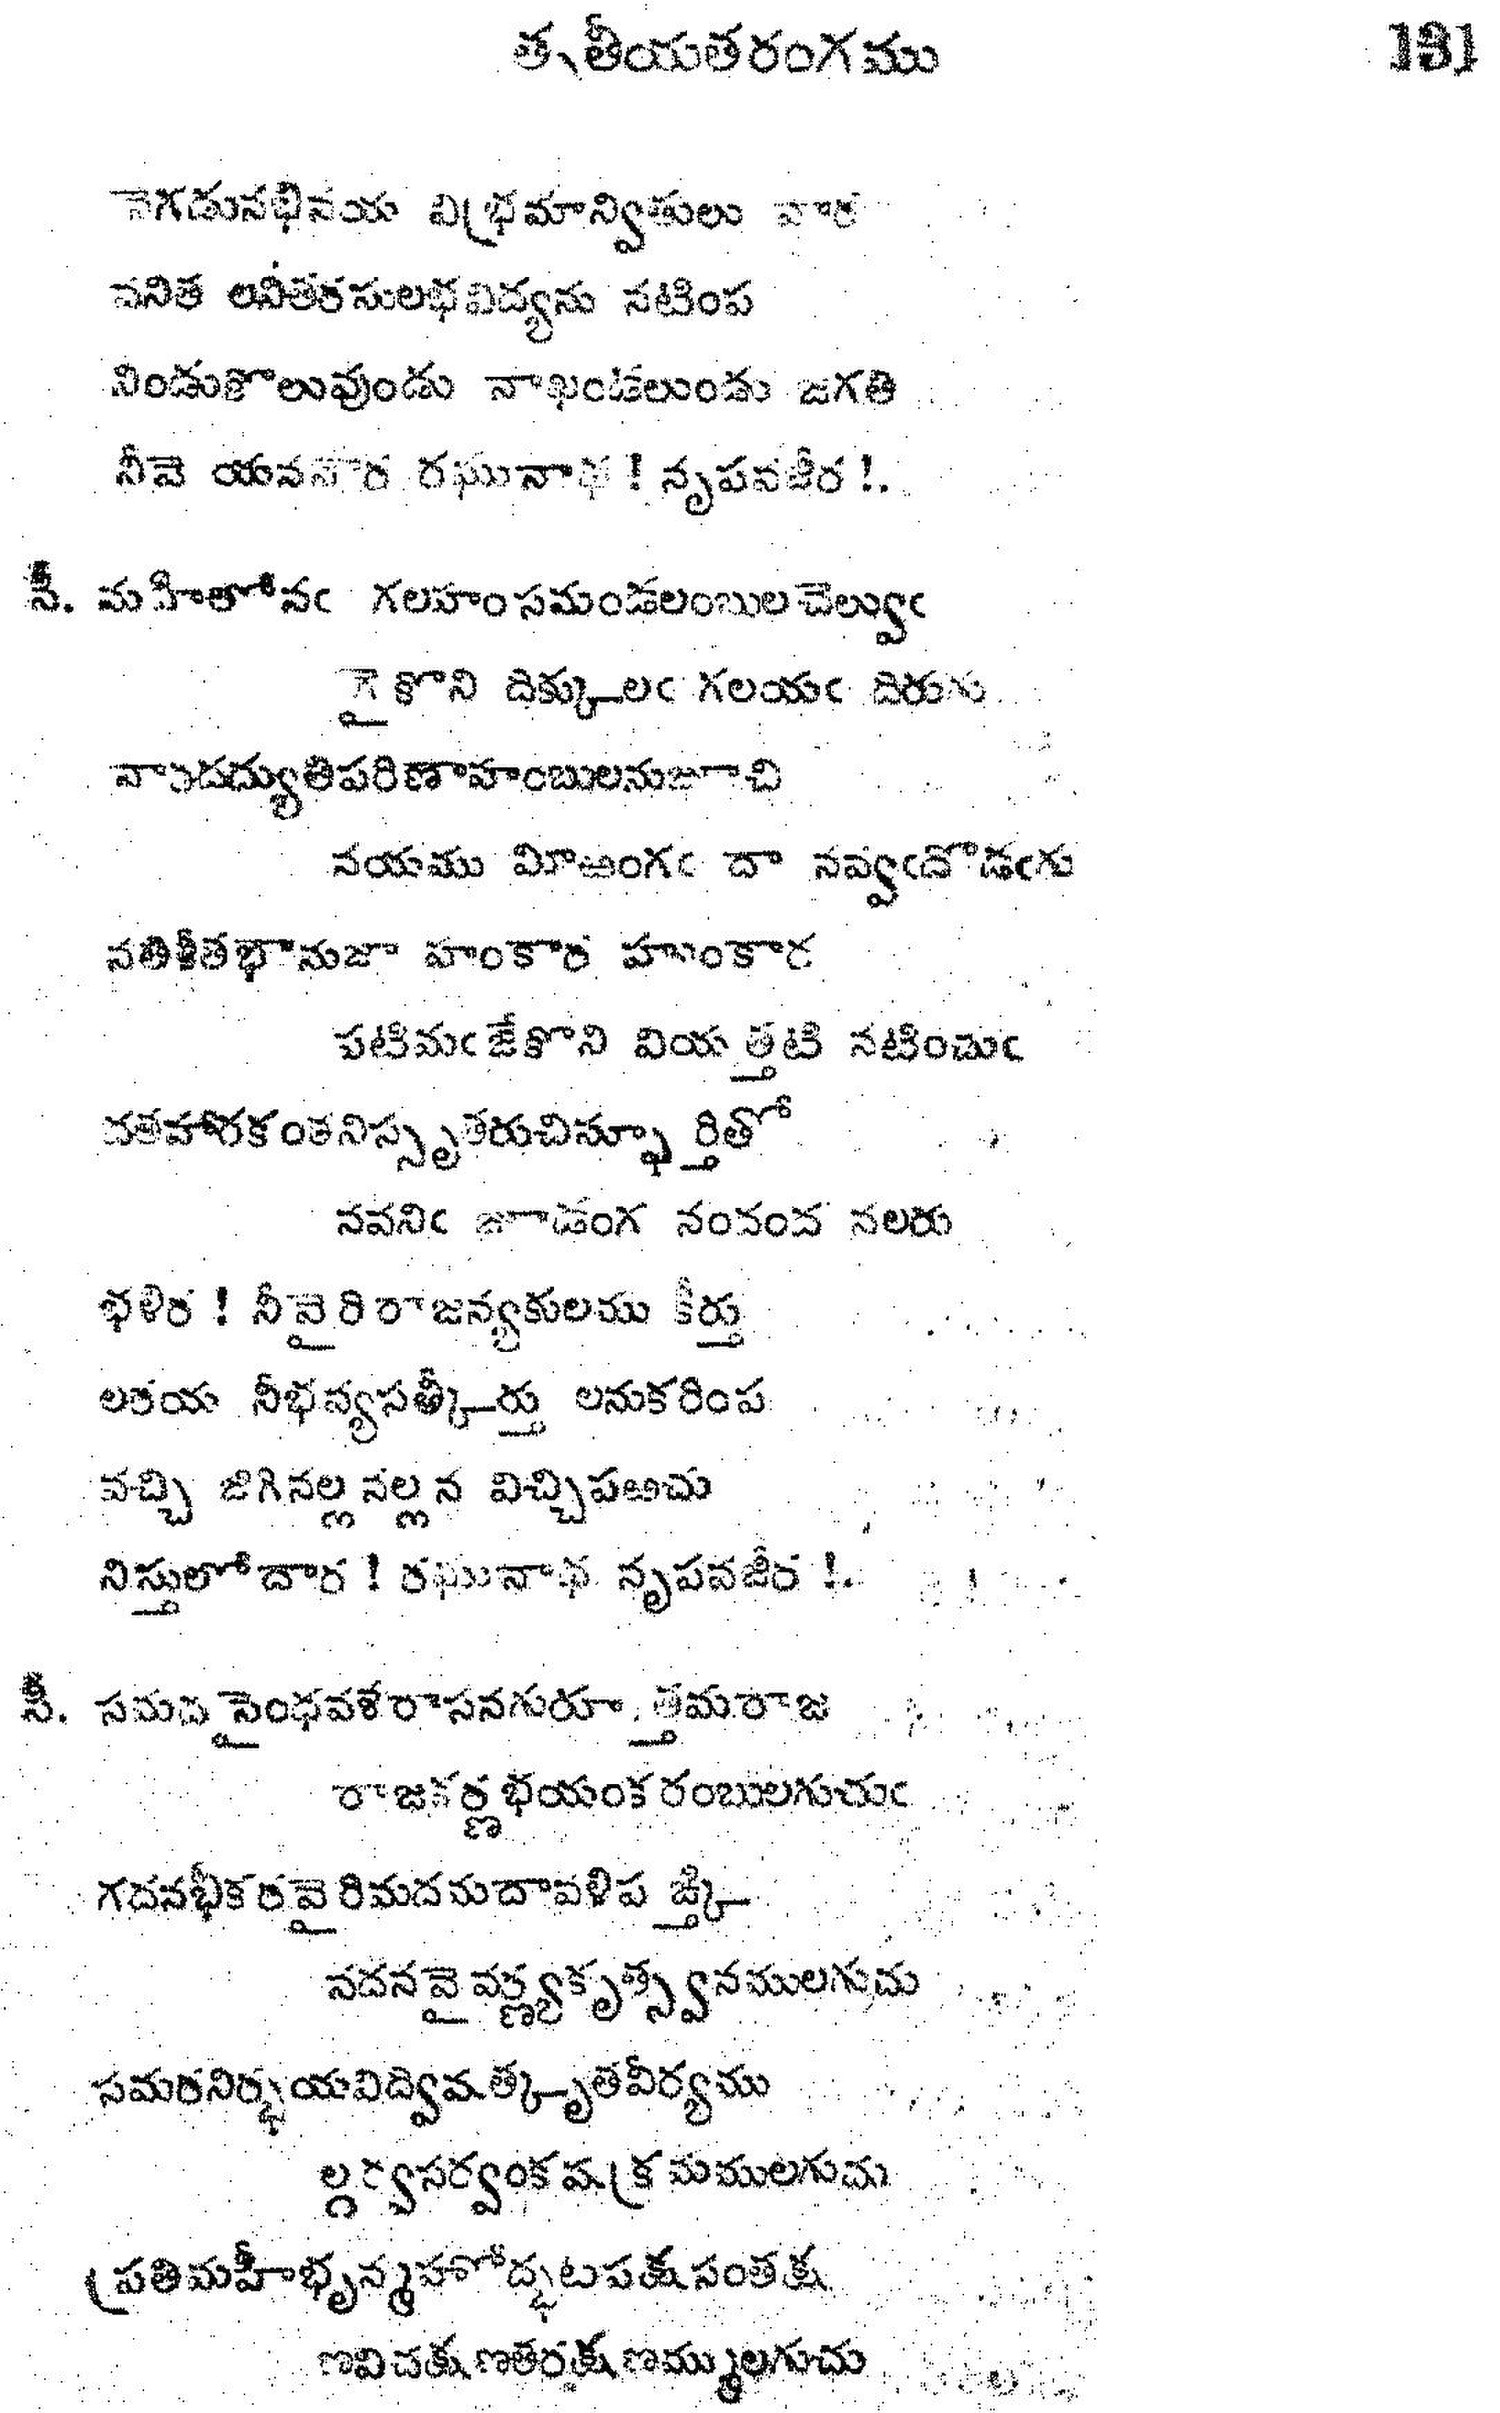నెగడు నభినయవిభ్రమాన్వితులు వార
 వనిత లనితరసులభవిద్యను నటింప
 నిండుకొలువుండు నాఖండలుండు జగతి
 నీవె యననౌర రఘునాథ! నృపవజీర!

సీ. మహిలోనఁ గలహంసమండలంబులచెల్వుఁ
 గైకొని దిక్కులఁ గలయఁ దిరుగు
 నారదద్యుతిపరిణాహంబులను జూచి
 నయము మీఱంగఁ దా నవ్వఁదొడఁగు
 నతిశీతభానుజాహంకారహుంకార
 పటిమఁ జేకొని వియత్తటి నటించుఁ
 దతహారకంఠనిస్సృతరుచిస్ఫూర్తితో
 నవనిఁ జూడంగ నందంద నలరు
 భళిర! నీవైరిరాజన్యకులము కీర్తు
 లరయ నీభవ్యసత్కీర్తు లనుకరింప
 వచ్చి జిగినల్లనల్లన విచ్చిపఱచు
 నిస్తులోదార! రఘునాథ నృపవజీర!

సీ. సమదసైంధవశరాసనగురూత్తమరాజ
 రాజకర్ణభయంకరంబు లగుచుఁ
 గదనభీకరవైరిమదమదావళిపఙ్క్తి
 వదనవైవరణ్యకృత్స్వనము లగుచు
 సమరనిర్భయవిద్విషత్కృతవీర్యము
 ల్గర్వసర్వంకషము లగుచు
 ప్రతిమహీభృన్మహోద్భటపక్షసంతక్ష
 ణవిచక్షణరక్షణమ్ము లగుచు